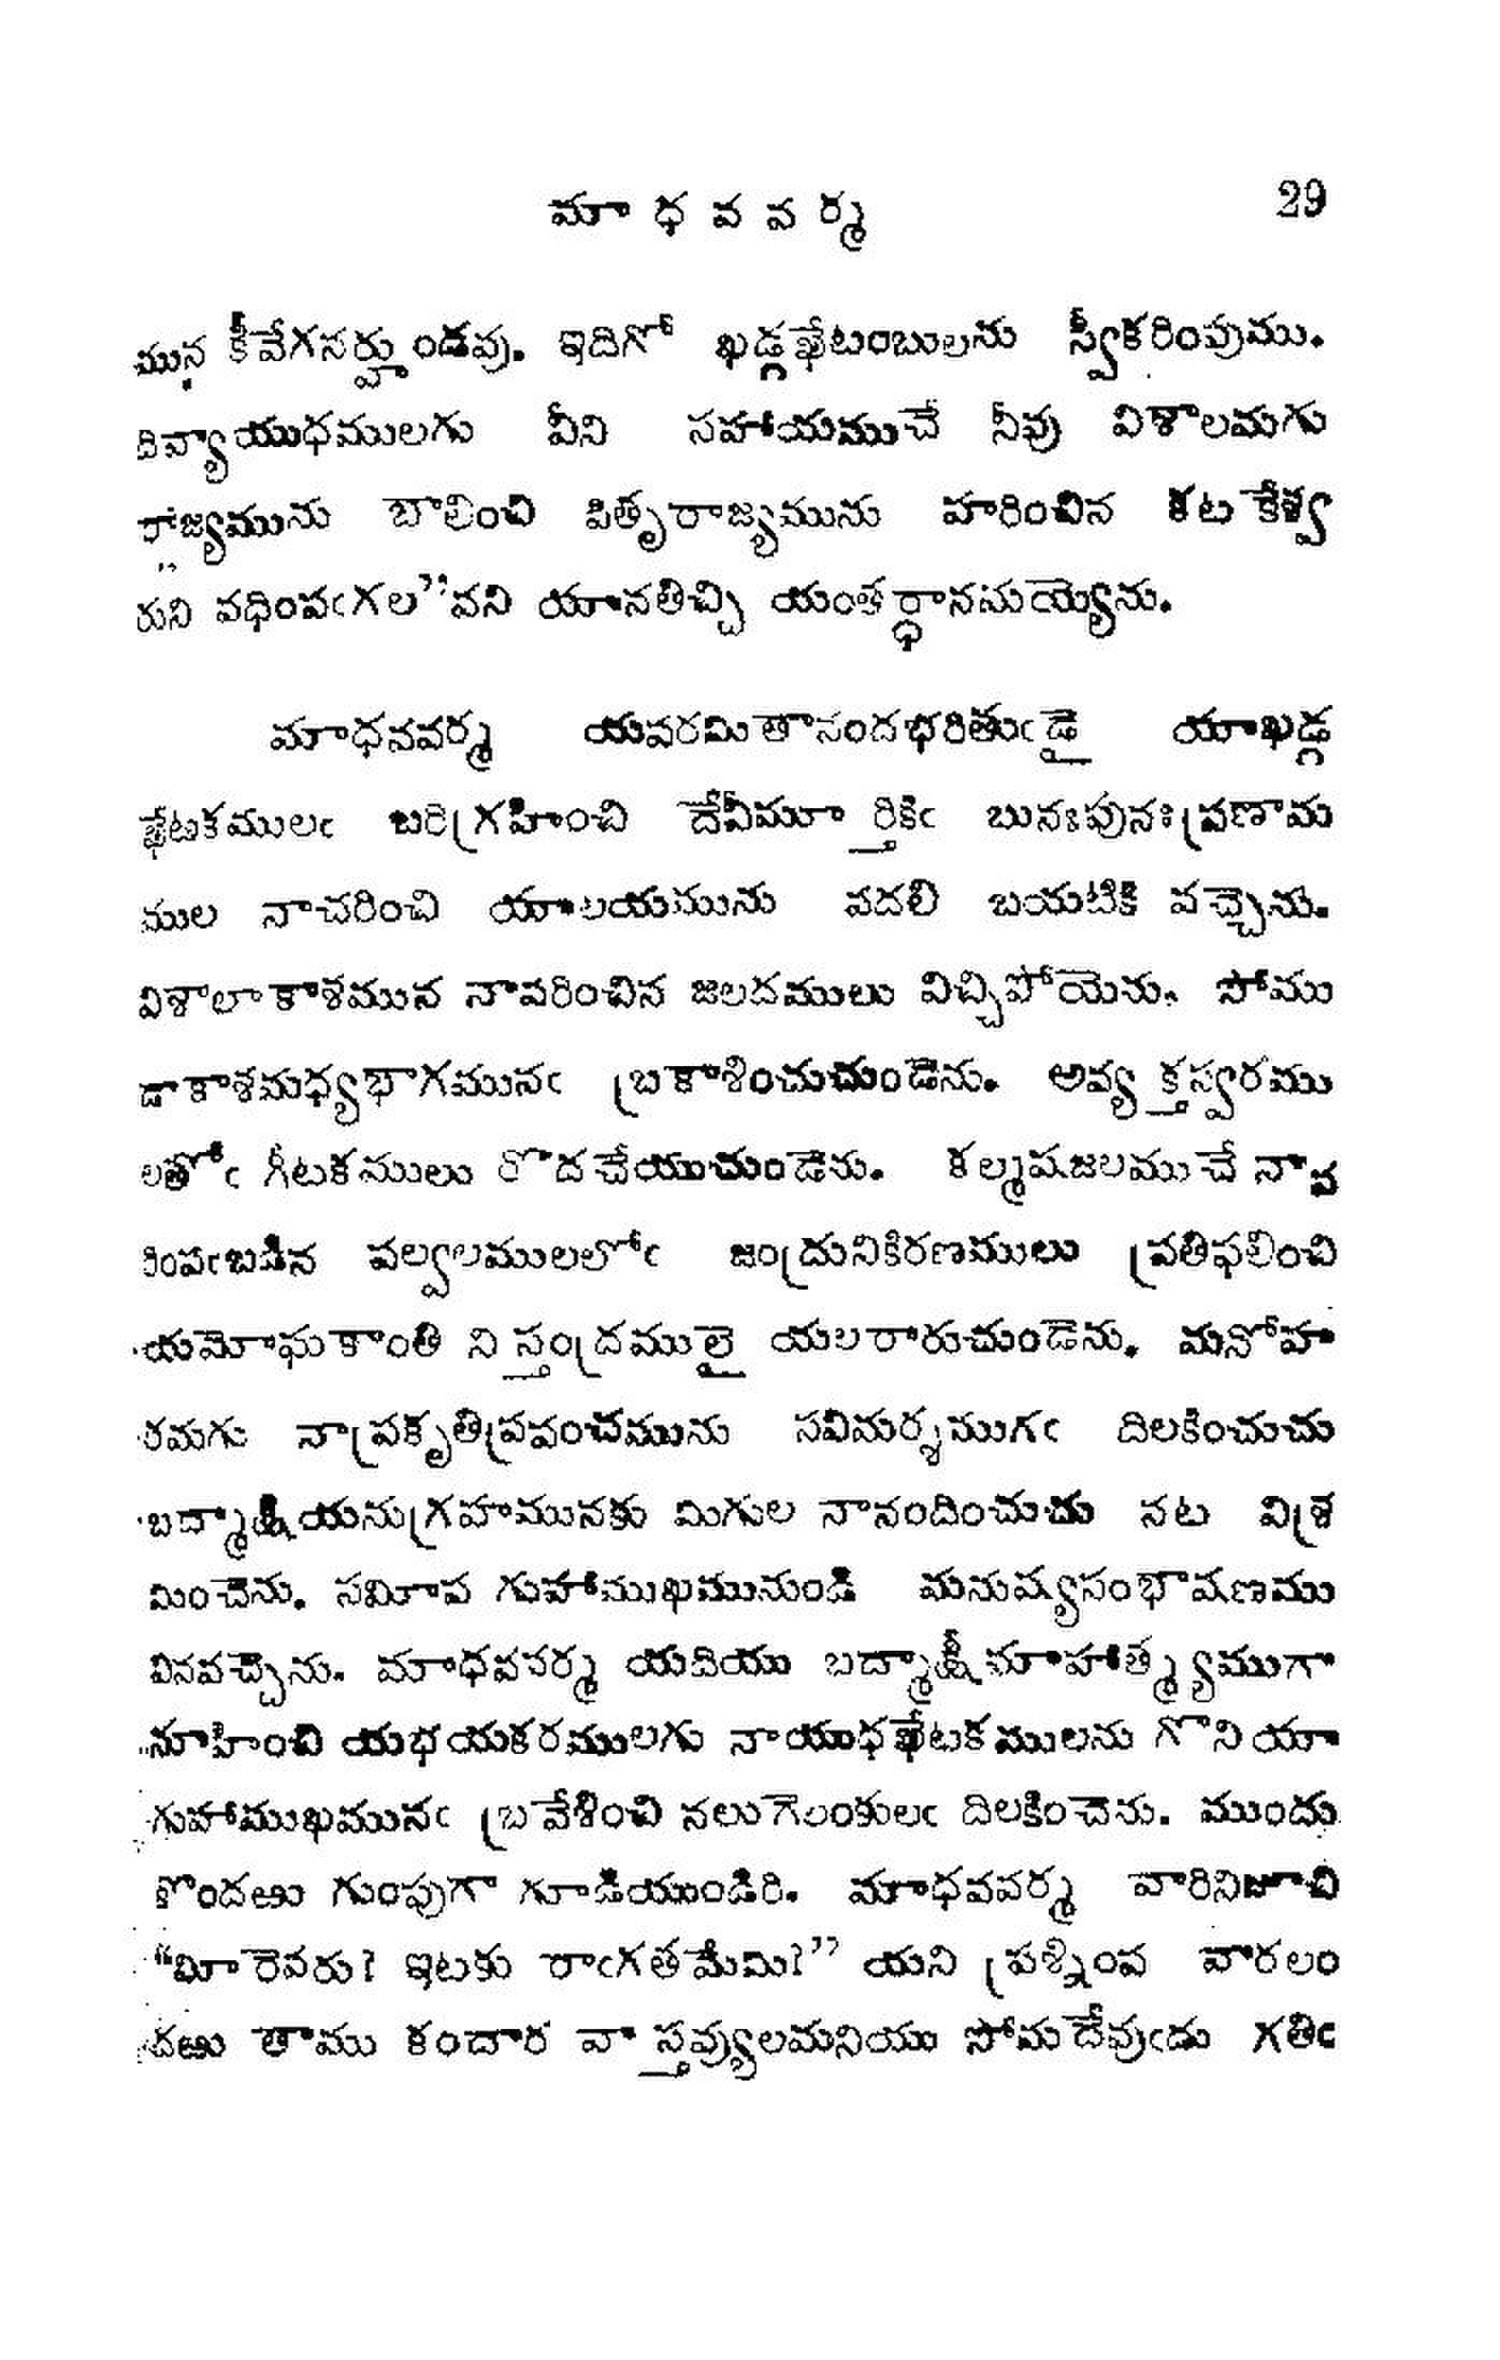మున కీవేగనర్హుండవు. ఇదిగో ఖడ్గఖేటంబులను స్వీకరింపుము. దివ్యాయుధములగు వీని సహాయముచే నీవు విశాలమగు రాజ్యమును బాలించి పితృరాజ్యమును హరించిన కటకేశ్వరుని వధింపగలవని యానతిచ్చి యంతర్ధానమయ్యెను.

మాధవవర్మ యపరమితానందభరితుడై యాఖడ్గఖేటకముల బరిగ్రహించి దేవీమూర్తికి బున:పున:ప్రణామముల నాచరించి యాలయమును వదలి బయటికి వచ్చెను. విశాలాకాశమున నావరించిన జలదములు విచ్చిపోయెను. సోముడాకాశమధ్యభాగమున బ్రకాశించుచుండెను. అవ్యక్తస్వరములతో గీటకములు రొదచేయుచుండెను. కల్మషజలముచే నావరింపబడిన పల్వలములలో జంద్రునికిరణములు ప్రతిఫలించి యమోఘకాంతి నిస్తంద్రములై యలరారుచుండెను. మనోహరమగు నాప్రకృతిప్రపంచమును సవిమర్శముగ దిలకించుచు బద్మాక్షియనుగ్రహమునకు మిగుల నానందించుచు నట విశ్రమించెను. సమీప గుహాముఖమునుండి మనుష్యసంభాషణము వినవచ్చెను. మాధవవర్మ యదియు బద్మాక్షీమాహాత్మ్యముగా నూహించి యభయకరములగు నాయుధఖేటకములను గొని యా గుహాముఖమున బ్రవేశించి నలుగెలంకుల దిలకించెను. ముందు కొందఱు గుంపుగా గూడియుండిరి. మాధవవర్మ వారినిజూచి "మీరెవరు? ఇటకు రాగతమేమి?" యని ప్రశ్నింప వారలందఱు తాము కందార వాస్తవ్యులమనియు సోమదేవుడు గతిం